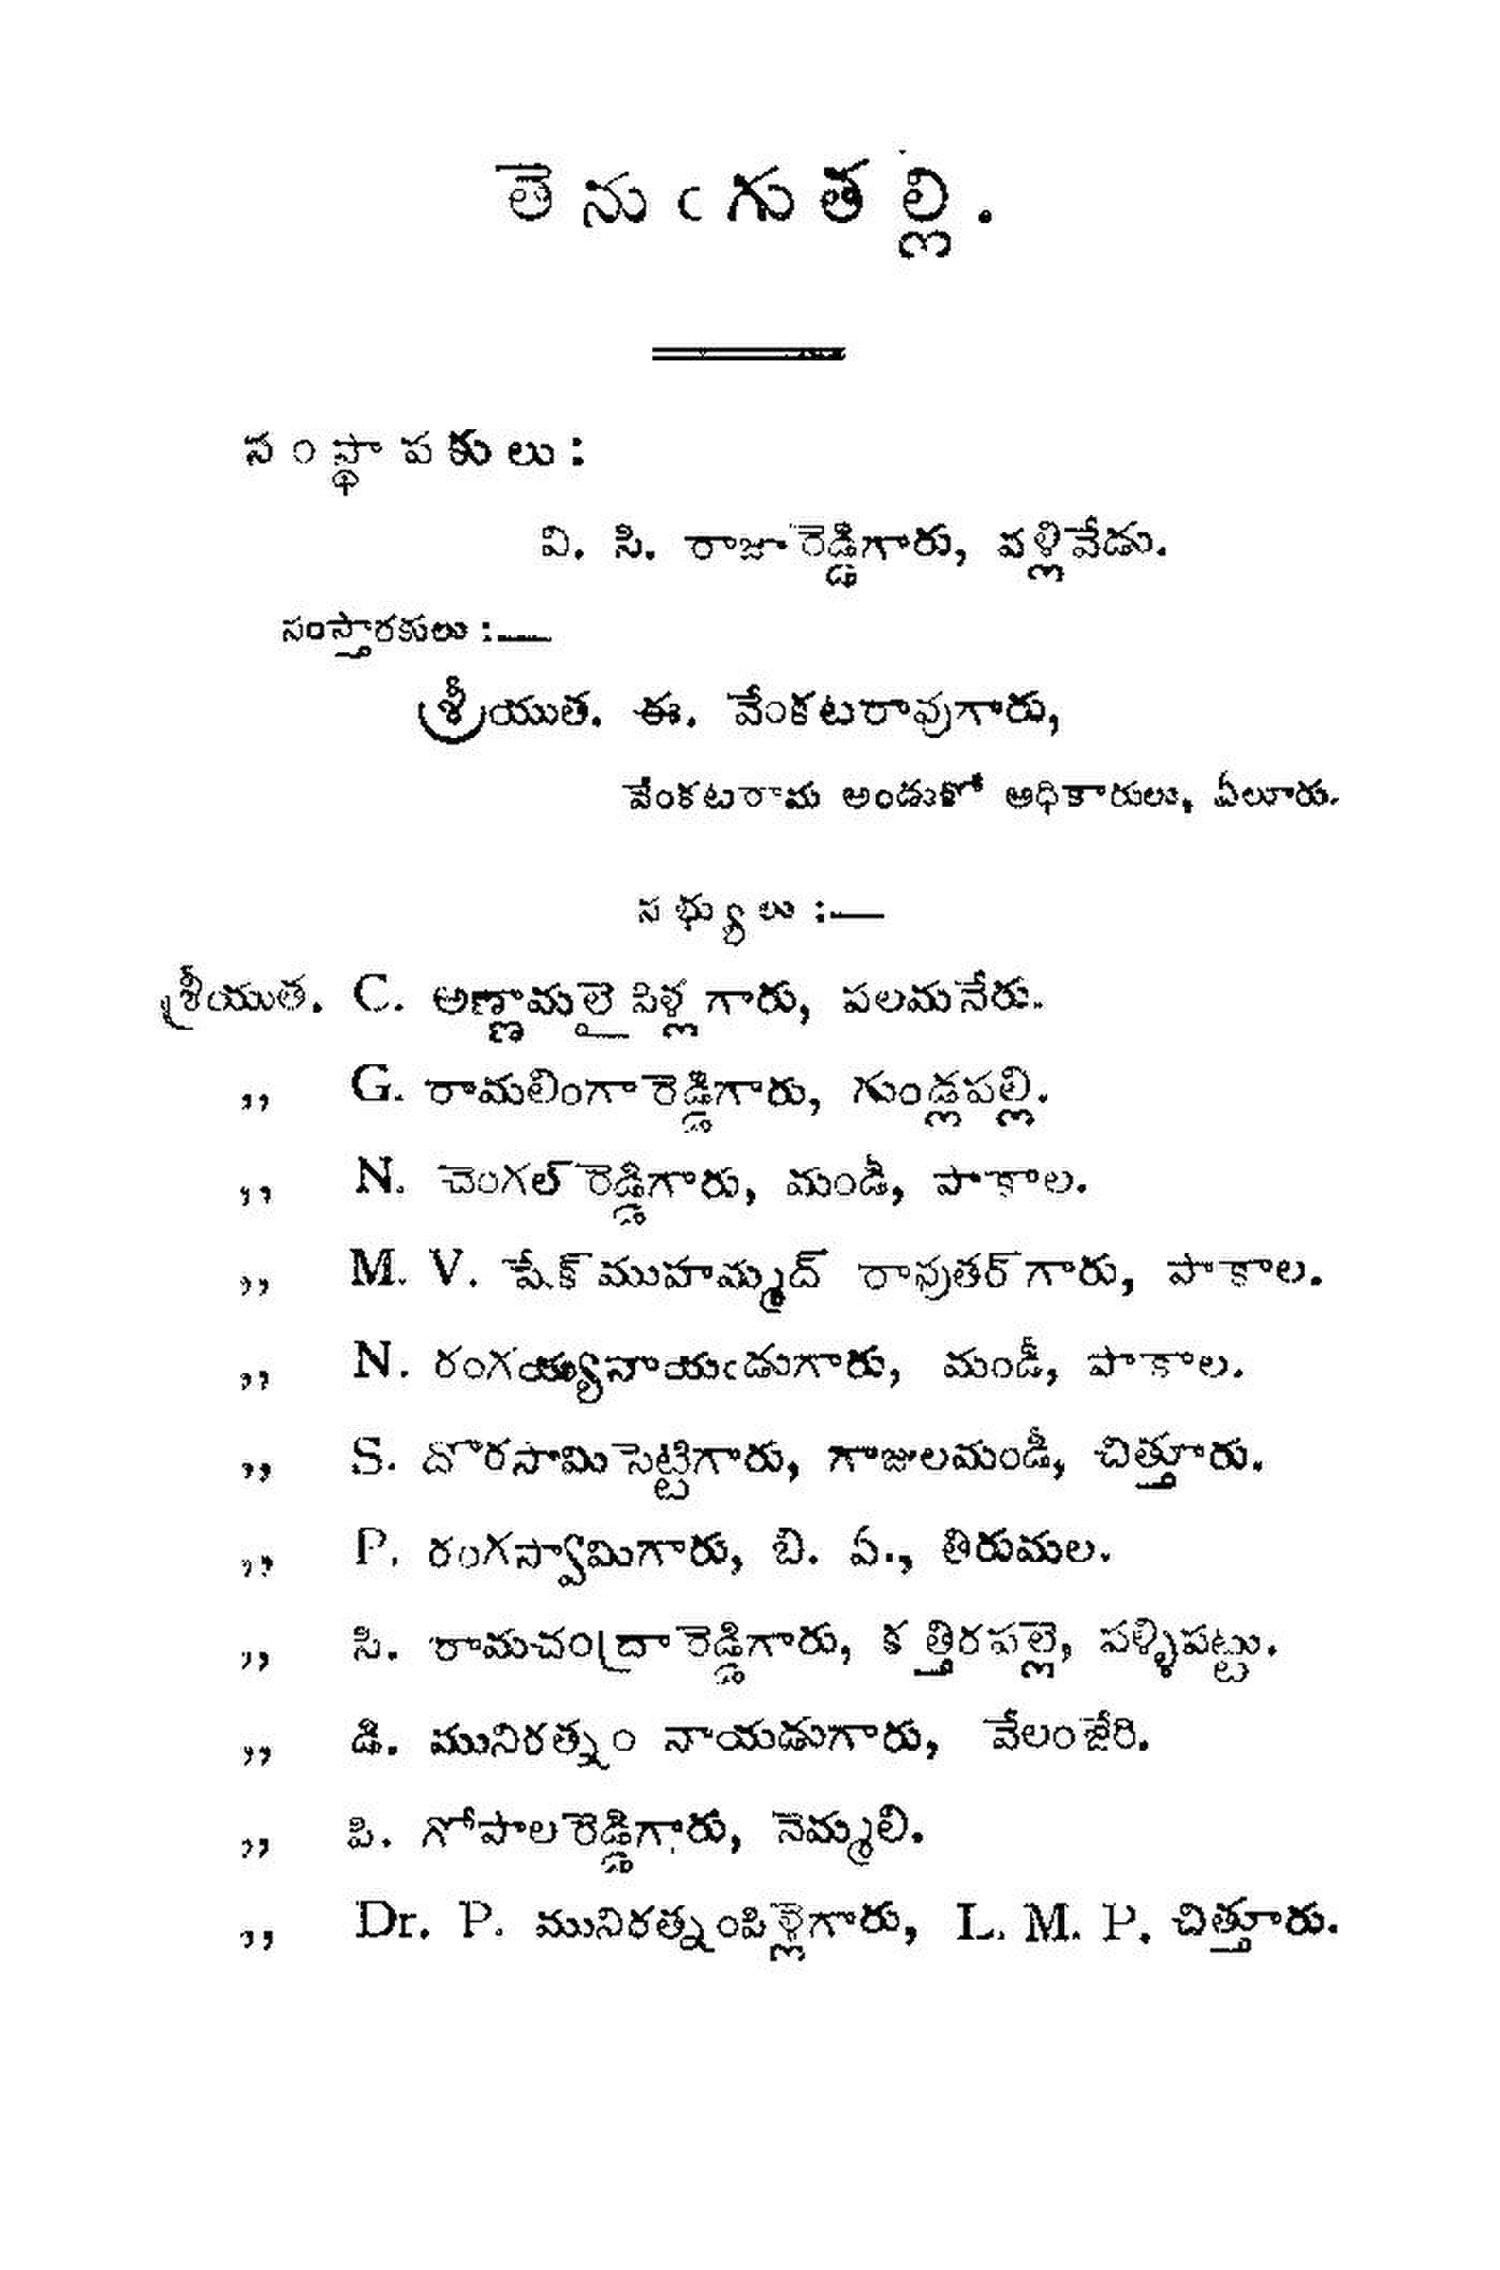తె ను గు త ల్లి.
 ==
సం స్థా ప కు లు:

 వి. సి. రాజారెడ్దిగరు, వళ్లివేడు.
సంస్తారకులు:--
 శ్రియుత ఈ. వేంకటరావుగారు.
 
వేంకటరామ అండుకో అధికారులు, ఏలూరు.
 సభ్యులు:--

శ్రీయుత, C. అణ్ణామలైపిళ్లగారు, పలమనేరు.
 " G. రామలింగారెడ్డిగారు, గుండ్లపల్లి
 " N. చెంగల్ రెడ్డిగారు, మండి, పాకాల.
 " M.V. షేక్ ముహమ్మద్ రావుతర్ గారు, పాకాల.
 " N. రంగయ్యనాయుడుగారు, మండీ, పాకాల.
 " S. దొరసామి సెట్టిగారు, గాజులమండీ, చిత్తూరు.
 " P. రంగస్వామిగారు, బి.ఏ., తిరుమల
 " సి. రామచంద్రారెడ్దిగరు, కత్తిరపల్లె, పళ్ళీపట్టు.
 " డి. మునిరత్నం నాయుడుగారు, వేలంజేరి.
 " పి. గోపాలరెడ్దిగారు నెమ్మలి.
 " Dr. P. మునిరత్నంపిళ్లెగారు, L. M. P., చిత్తూరు.